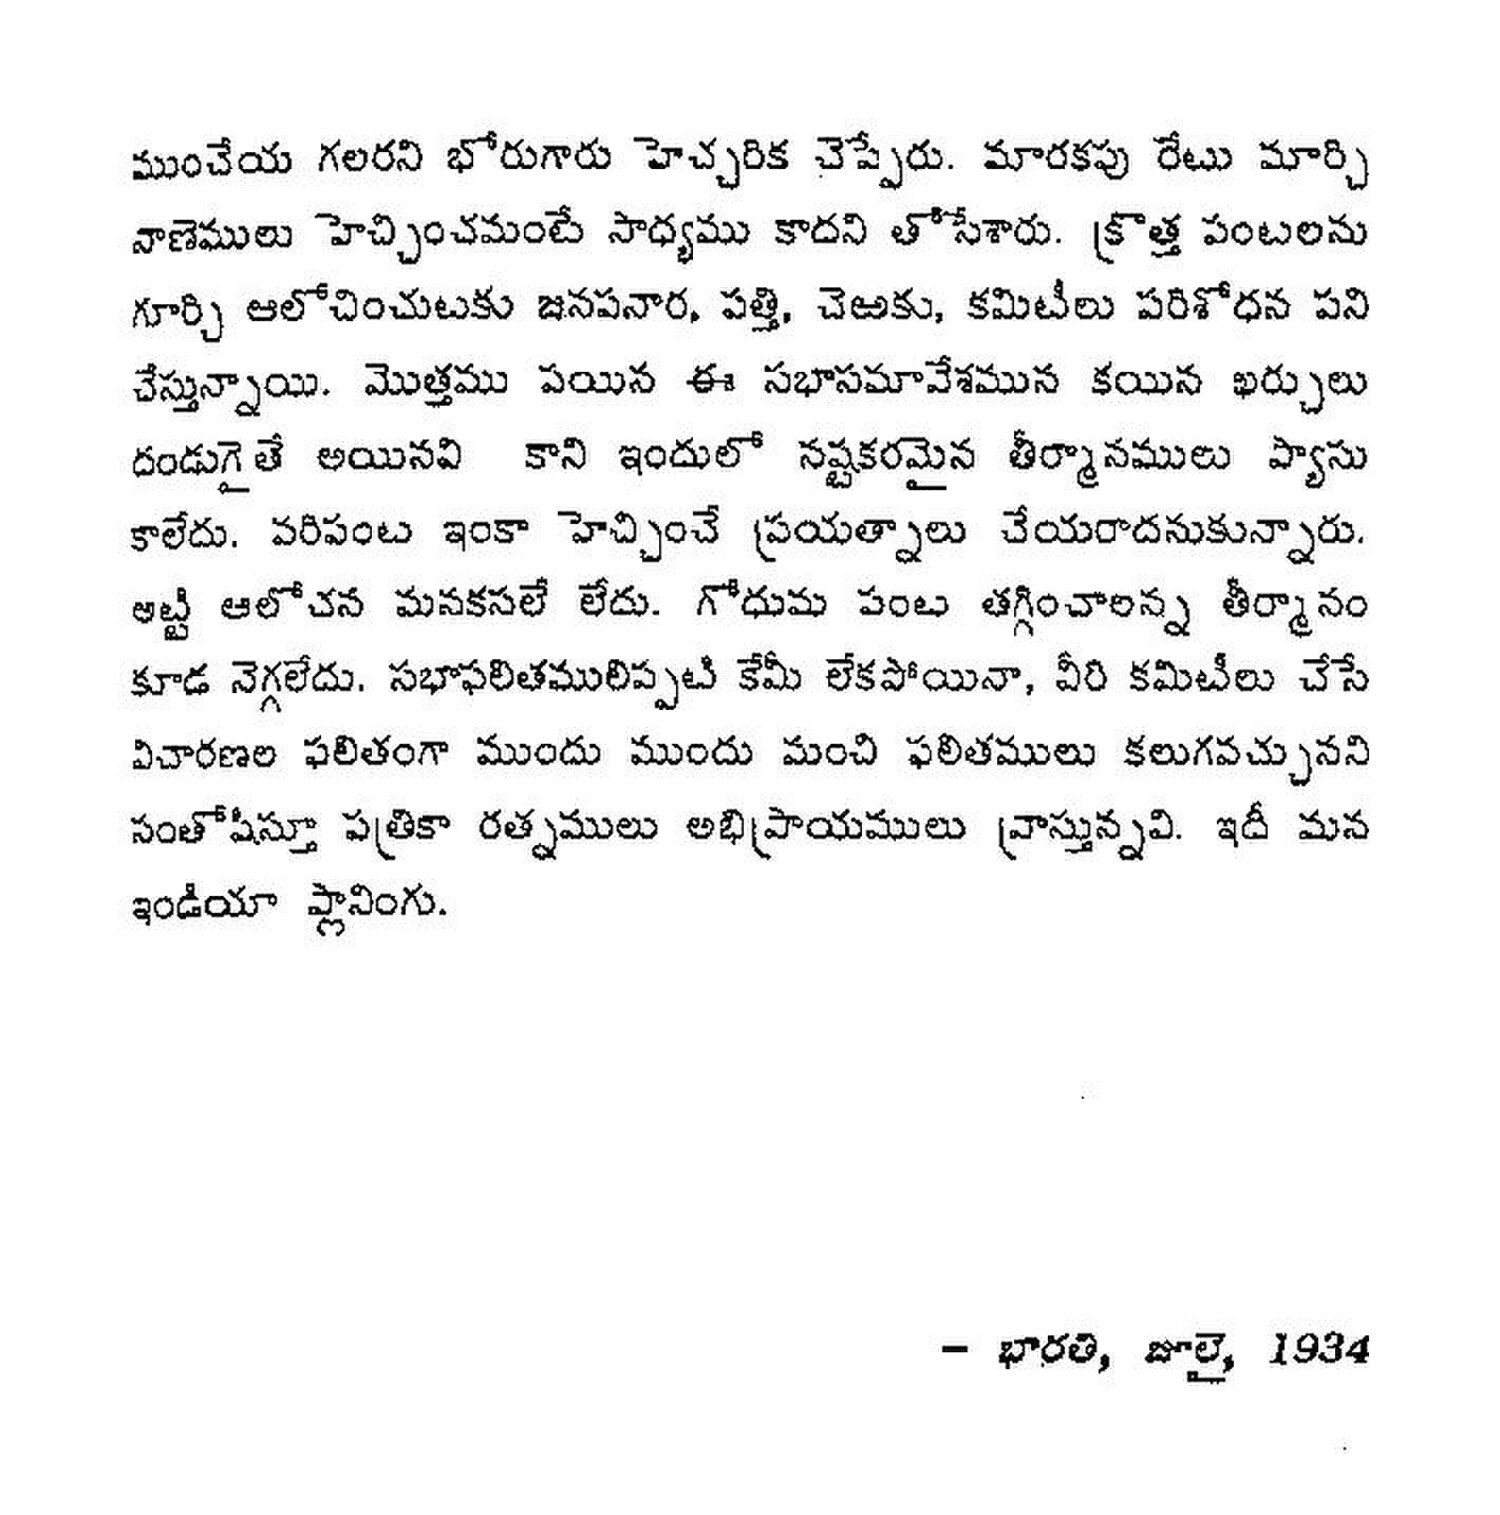ముంచేయ గలరని భోరుగారు హెచ్చరిక చెప్పేరు. మారకపు రేటు మార్చి నాణెములు హెచ్చించమంటే సాధ్యము కాదని తోసేశారు. క్రొత్త పంటలను గూర్చి ఆలోచించుటకు జనపనార, పత్తి, చెఱకు, కమిటీలు పరిశోధన పని చేస్తున్నాయి. మొత్తము పయిన ఈ సభాసమావేశమున కయిన ఖర్చులు దండుగైతే అయినవి కాని ఇందులో నష్టకరమైన తీర్మానములు ప్యాసుకాలేదు. వరిపంట ఇంకా హెచ్చించే ప్రయత్నాలు చేయరాదనుకున్నారు. అట్టి ఆలోచన మనకసలే లేదు. గోధుమ పంట తగ్గించాలన్న తీర్మానం కూడ నెగ్గలేదు. సభాఫలితములిప్పటి కేమీ లేకపోయినా, వీరి కమిటీలు చేసే విచారణల ఫలితంగా ముందు ముందు మంచి ఫలితములు కలుగవచ్చునని సంతోషిస్తూ పత్రికా రత్నములు అభిప్రాయములు వ్రాస్తున్నవి. ఇదీ మన ఇండియా ప్లానింగు.